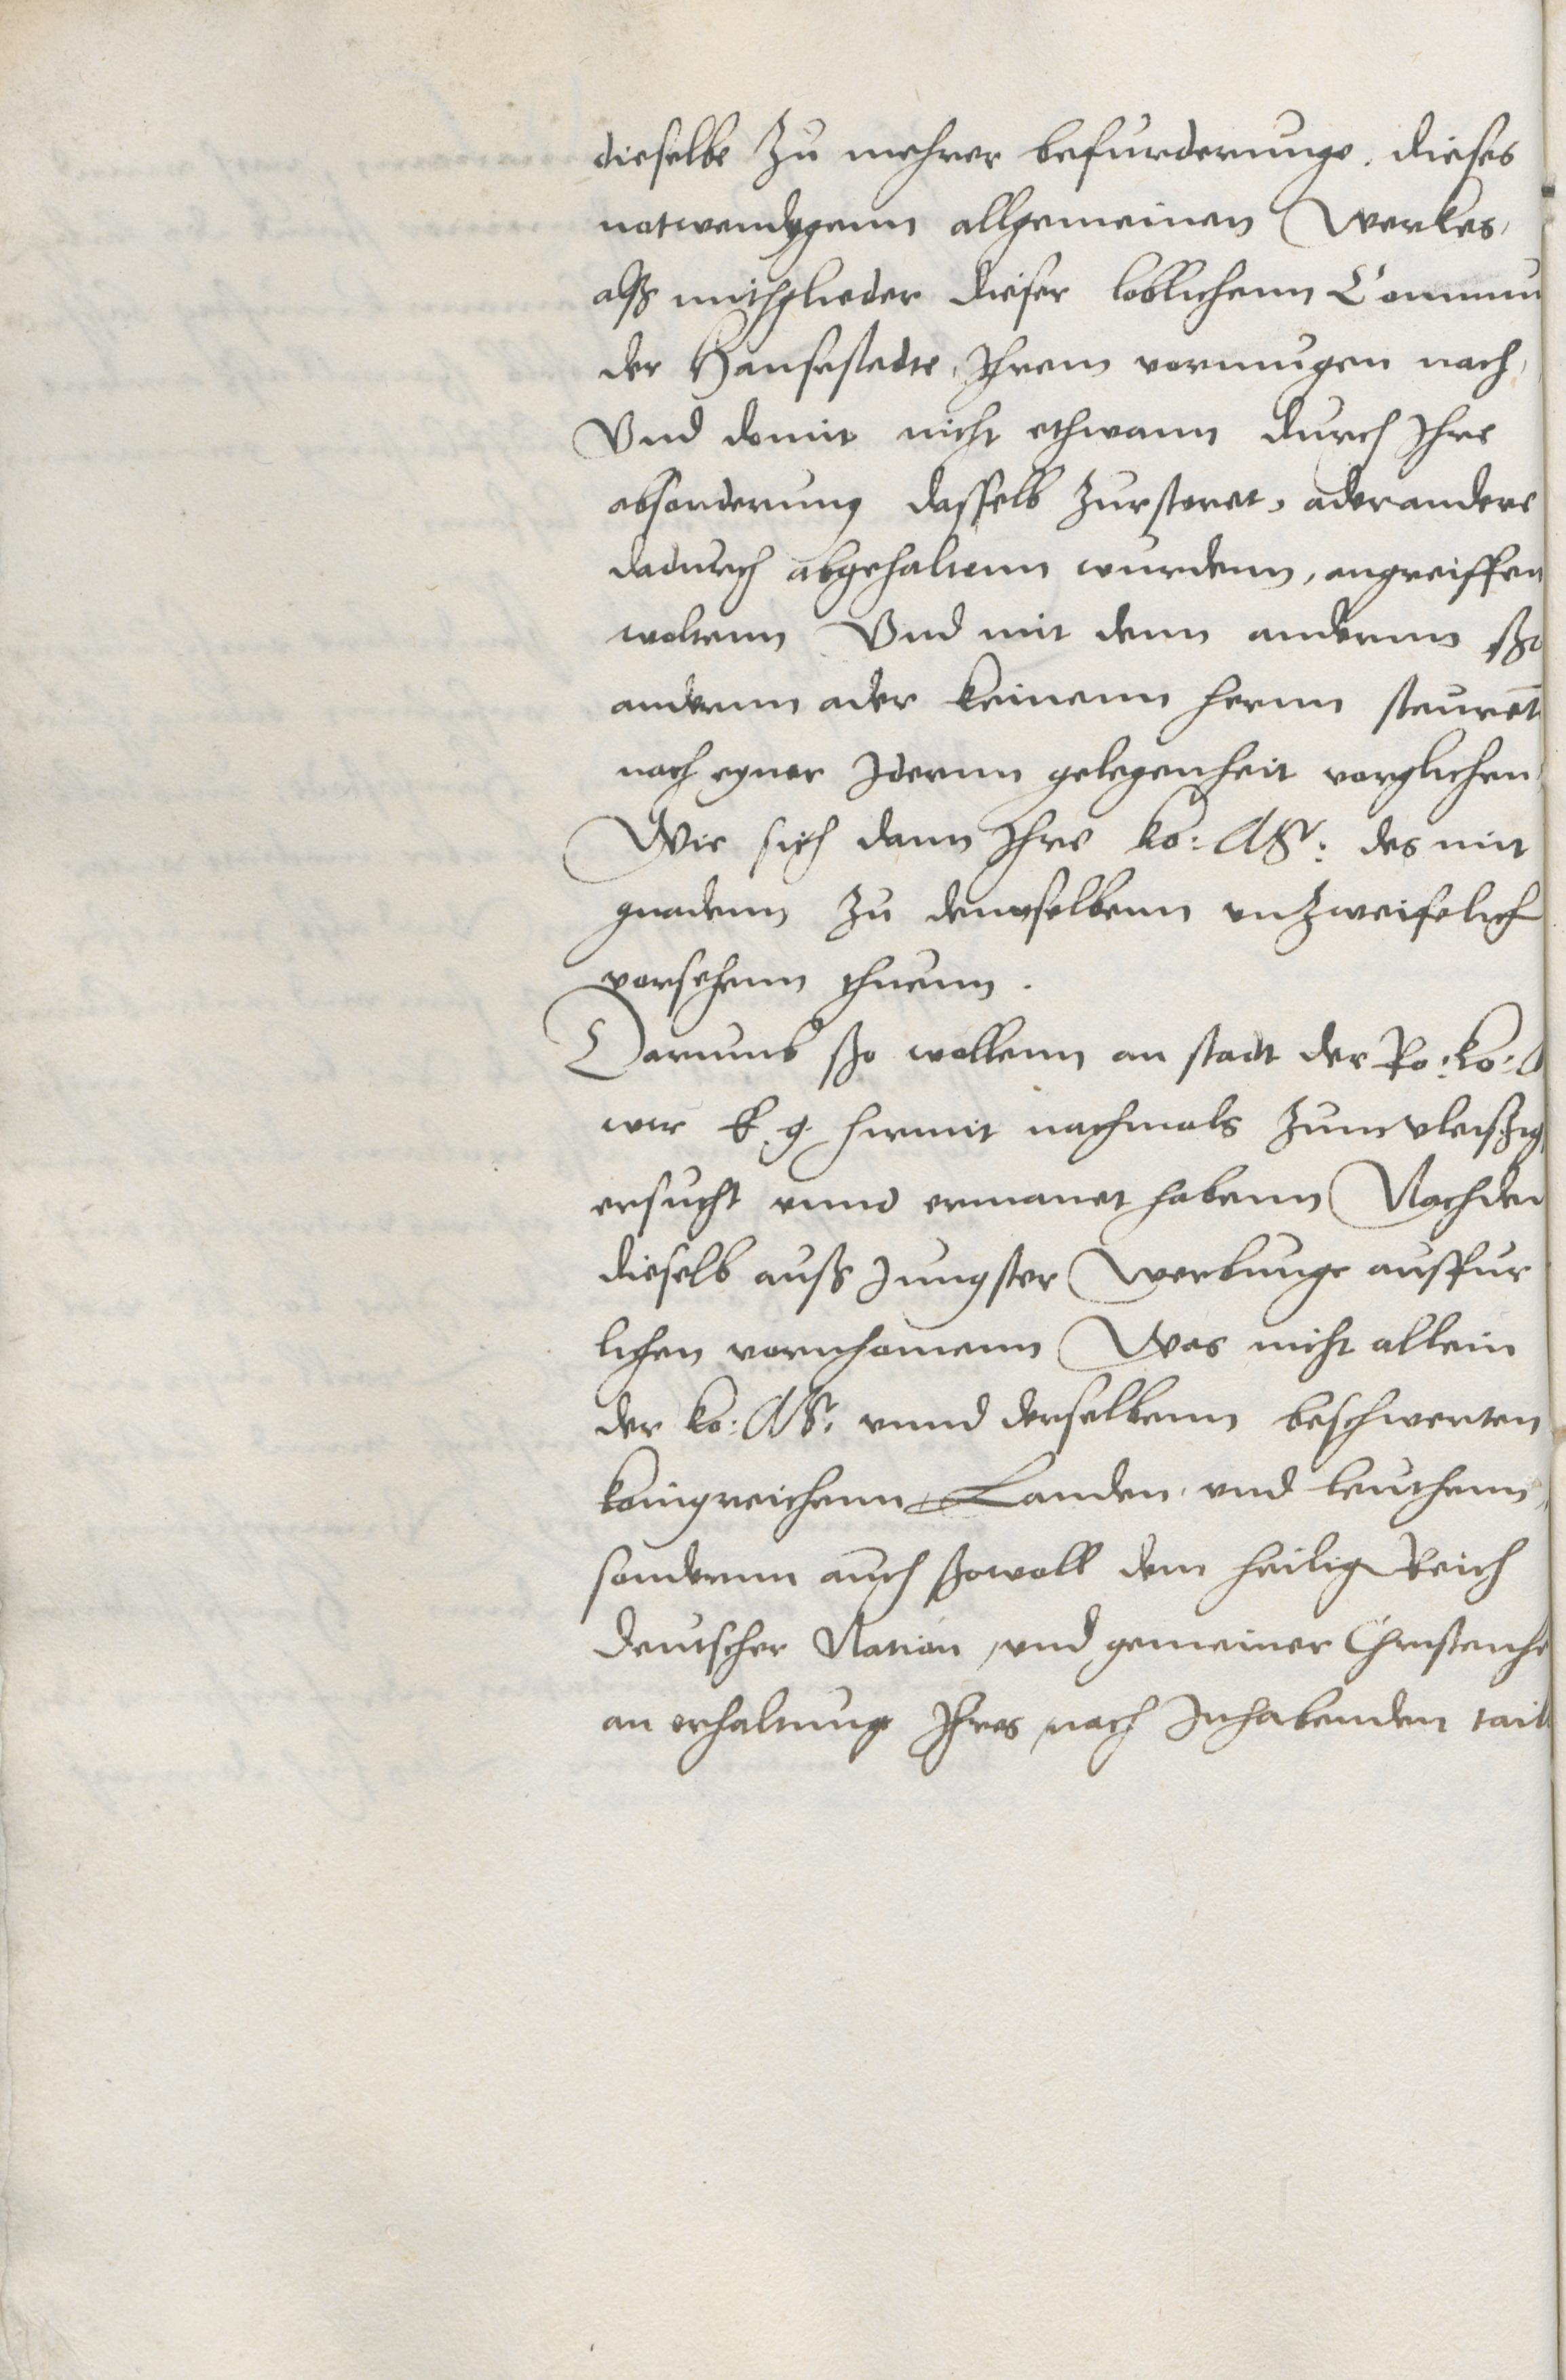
dieselbe zu mehrer befurderunge, dieses
notwendygenn allgemeinen Werkes,
alß mithglieder dieser loblichenn Commun
der Hansestedte, jhrem vormugen nach,
Vnd domit nicht ethwann durch jhre
absonderung dasselb zursteret, ader andere
dadurch abgehaltenn wurdenn, angreiffen
woltenn Vnd mit denn andernn ßo
andernn ader keinenn hernn steurent
nach eyner jdernn gelegenheit vorglichen
Wie sich dann jhre Ko: Mt: des mit
gnadenn zu dennselbenn vnzweifelichen
vorsehenn thuenn.
Darumb ßo wollenn an stadt der Ro: Ko: M:
wir E g. hirmit nachmals zum vleißig
ersucht vnnd ermanet habenn Nachdem
dieselb auß jungster Werbunge ausfur
lichen vornhomenn Was nicht allein
der Ko: Mt: vnnd derselbenn beschwerten
Konigreichenn, Landen, vnd leuthenn
sondernn auch ßowoll dem heiligen Reich
deutscher Nation, vnd gemeiner Christenhe
an erhaltung jhres nach jnhabenden tail
